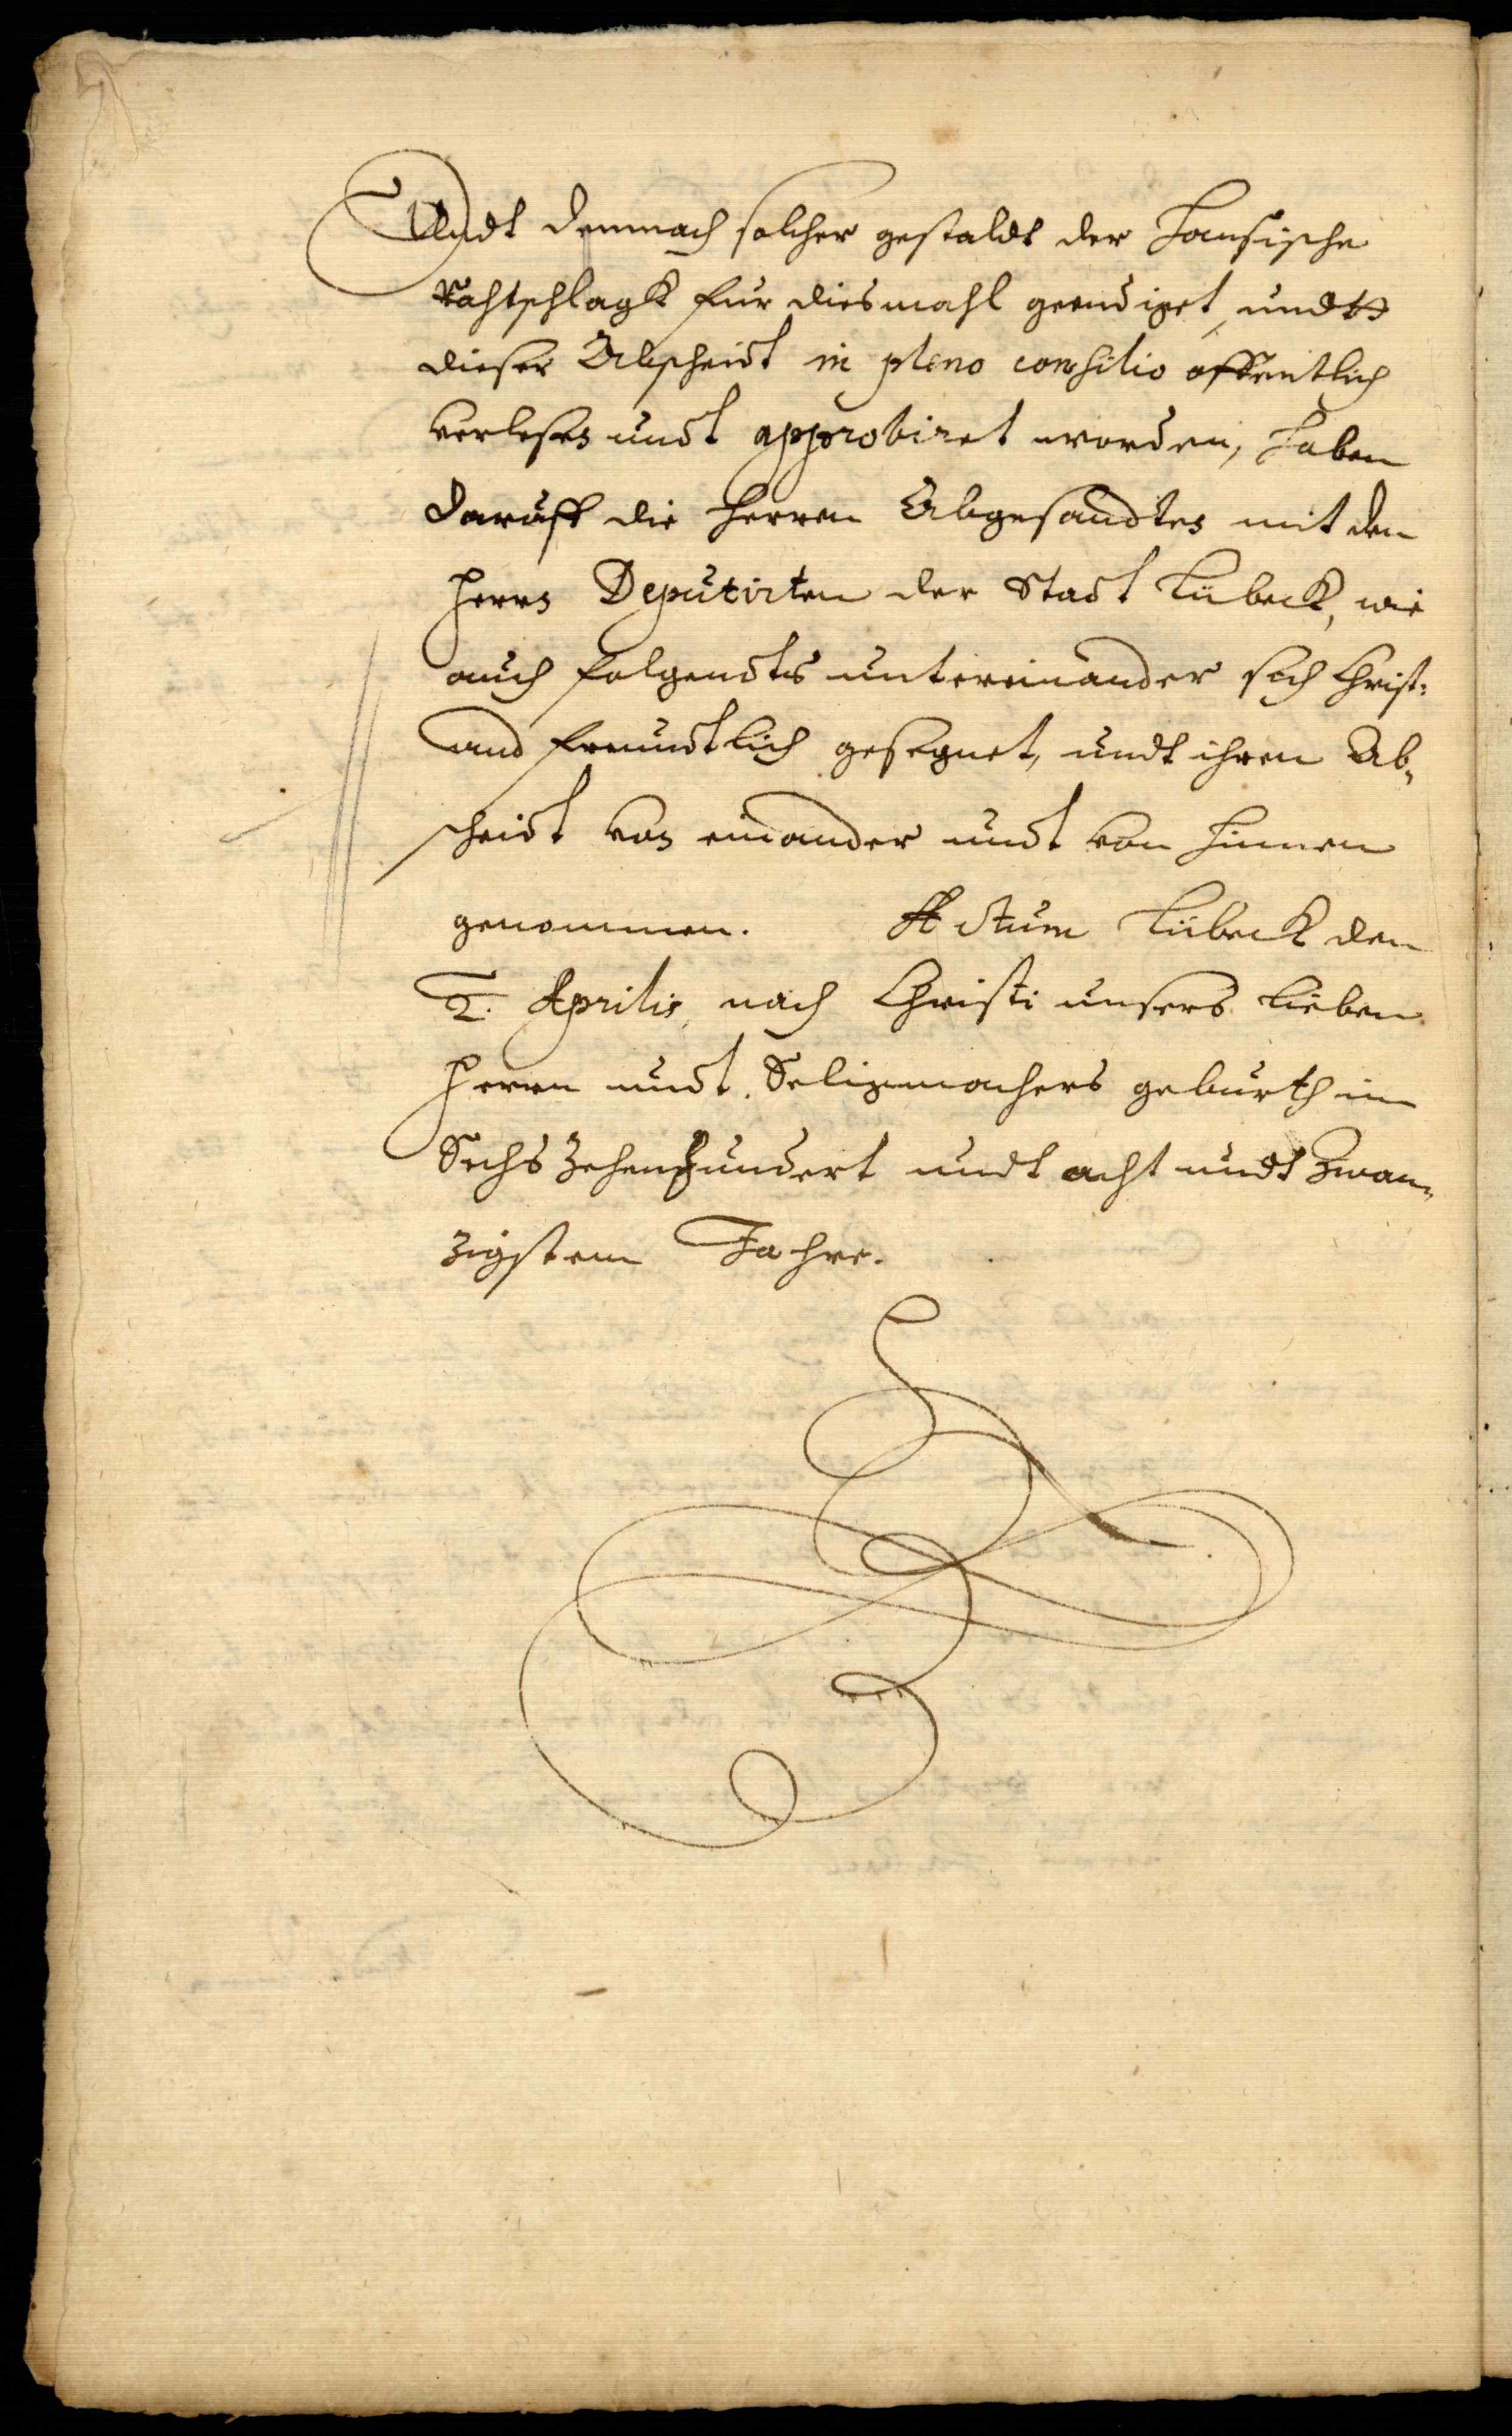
Undt demnach solcher gestaldt der Hansische
Rahtschlagk fur diesmahl geendiget, undtt
dieser Abscheidt in pleno consilio offentlich
verlesen undt approbiret worden, haben
daruff die herren Abgesandten mit den
herrn Deputirten der Stadt Lübeck, wie
auch folgendts untereinander sich Christ:
vnd freundtlich gesegnet, undt ihren Ab¬
scheidt von einander undt von hinnen
genommen. Actum Lübeck den
2. Aprilis, nach Christi unsers lieben
Herrn undt Seligmachers geburth im
Sechs zehenhundert undt acht undt Zwa¬
zigstem Iahre.
